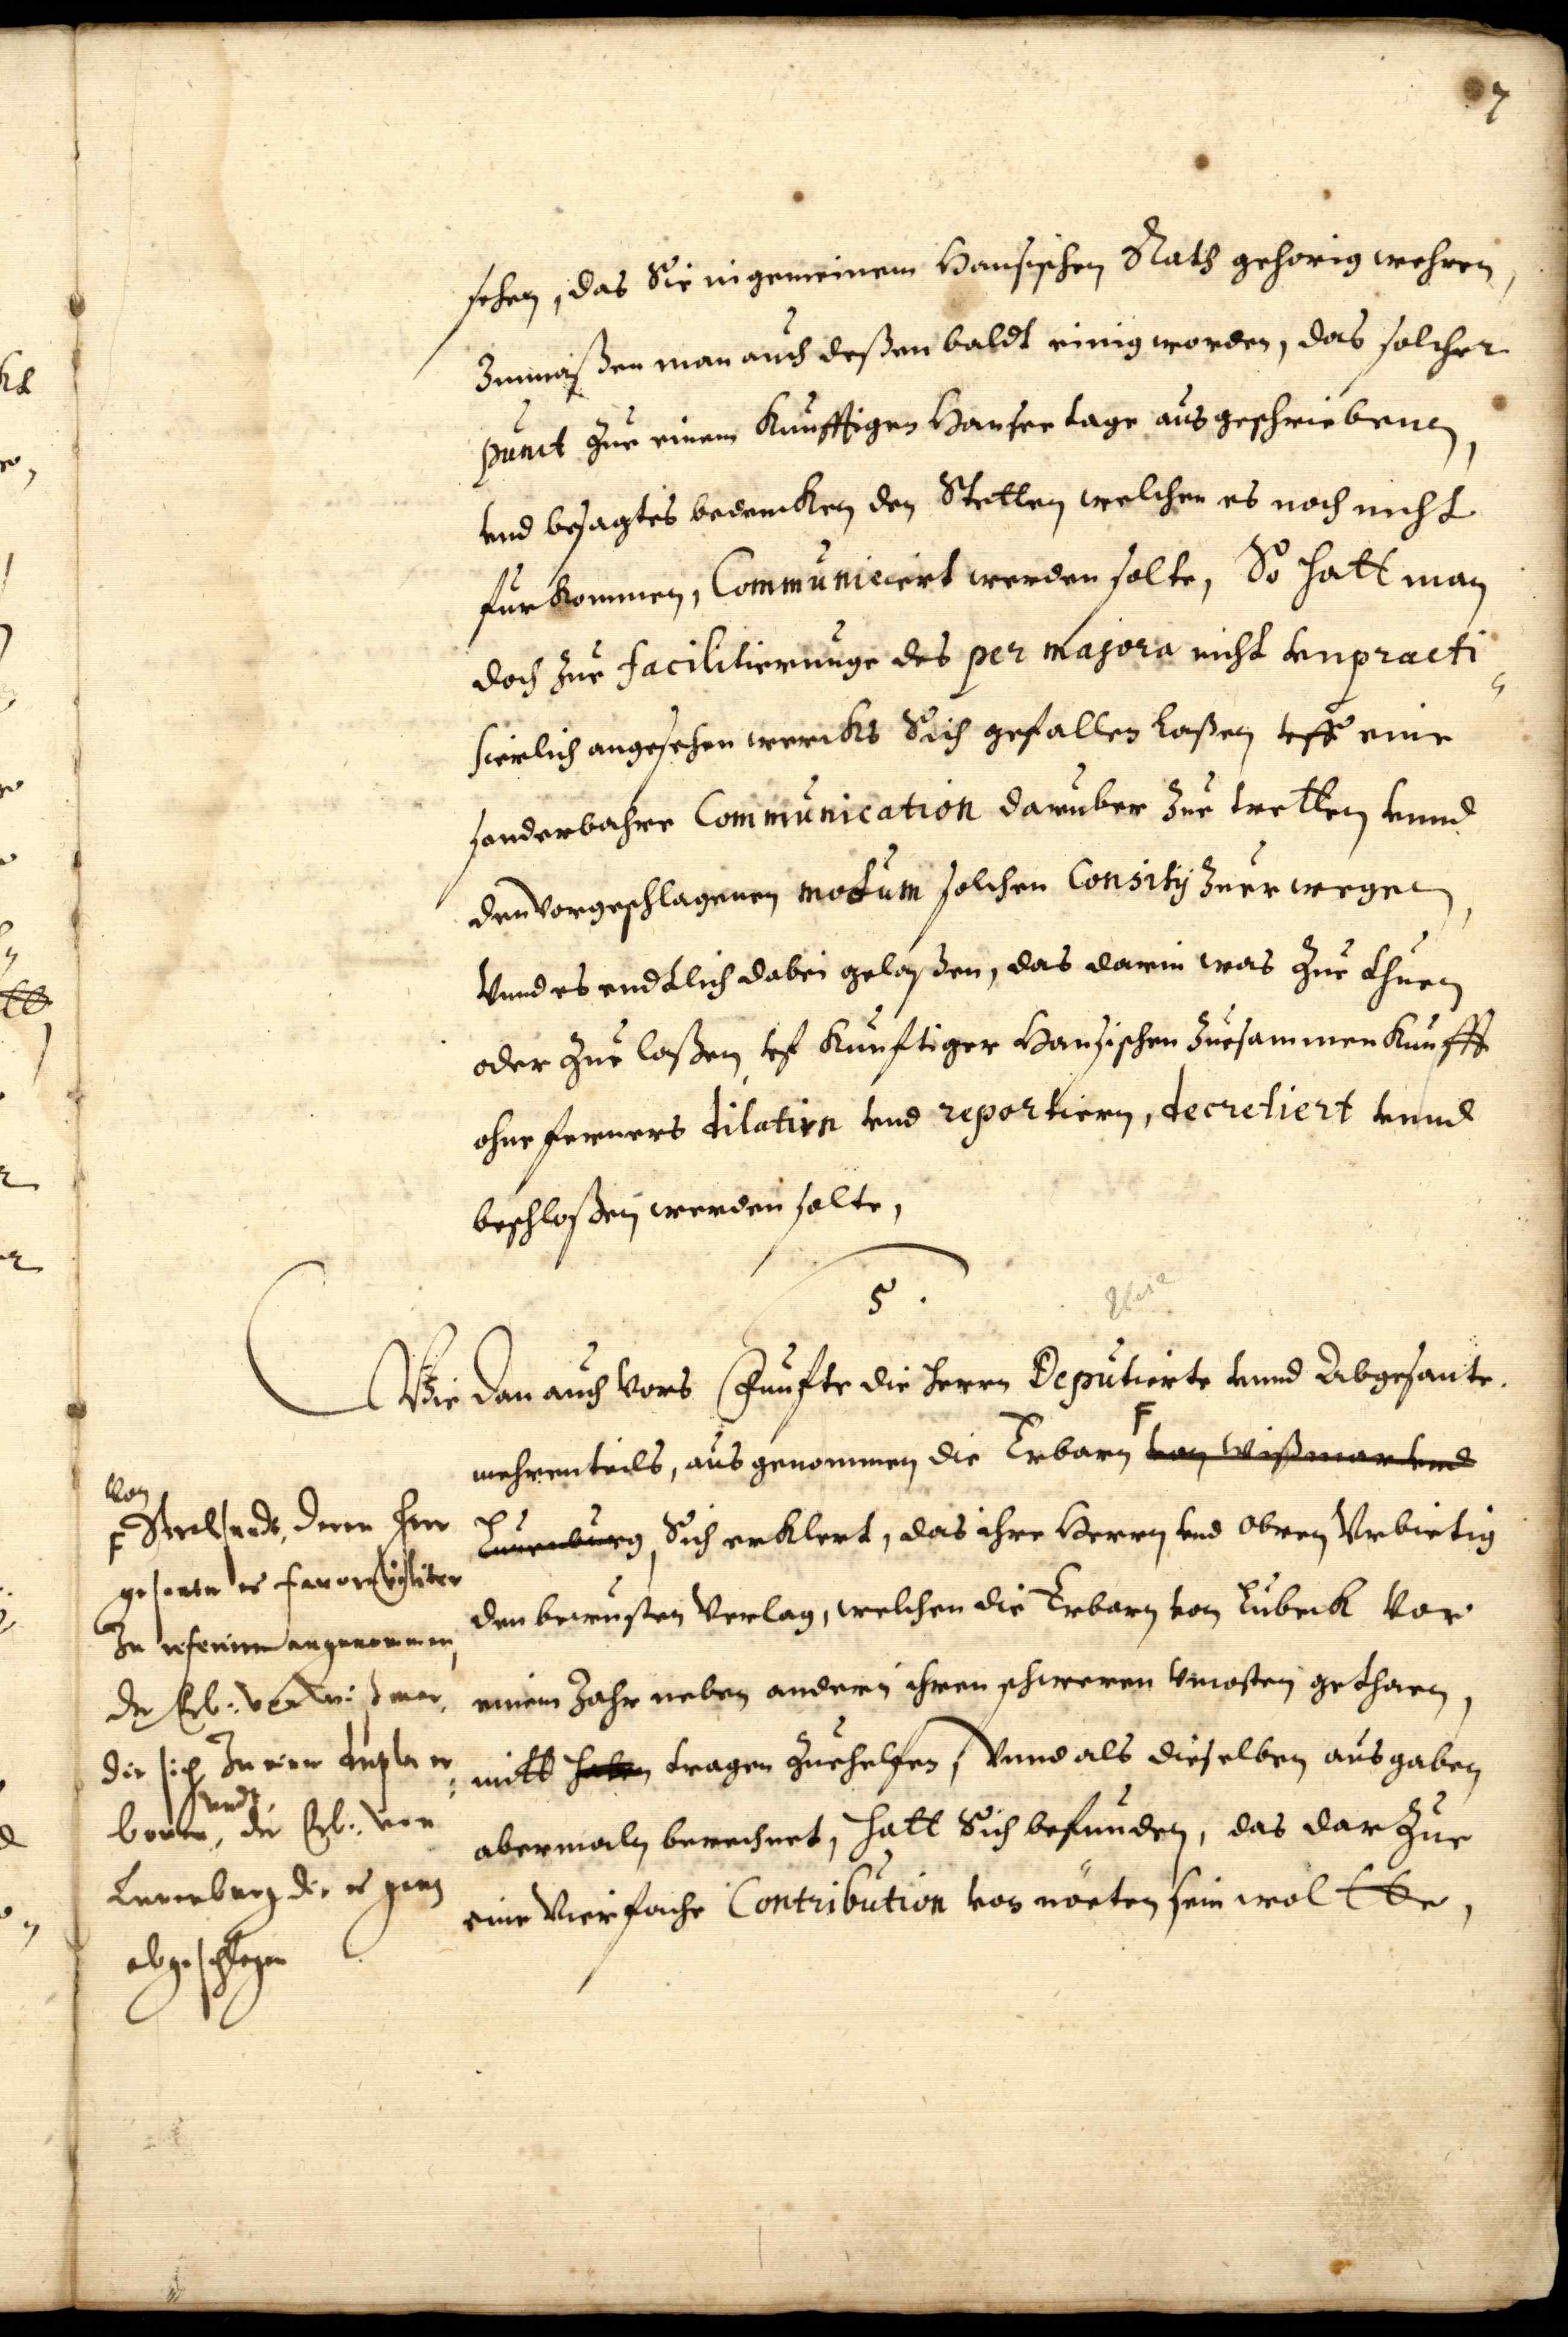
7
sehen, das sie ingemeinem Hansischen Rath gehorig wehren,
Immaßen man auch deßen baldt einig worden, das solcher
punct zue einem kunfftigen Hansee tage ausgeschriebenen,
vnd besagtes bedencken den Stetten welchen es noch nicht
furkommen, Communiciert werden solte, So hatt man
doch zue facilitierunge des per majora nicht Vnpracti¬
sierlich angesehen wercks sich gefallen laßen vff eine
sonderbahre Communication daruber zue tretten vnnd
den Vorgeschlagenen motum solchen Consilij zuer wegen,
Vnnd es endtlich dabei gelaßen, das darin was zue tuhen
oder zue laßen vf kunftiger hansischen Zuesammenkuntt kuntt
ohne ferners dilatirn vnd reportieren, decretiert vnnd
beschloßen werden solte,
von
* Stralsundt deren herr
gesanten es favoribiliter
zu referiren angenommen,
den Erb: von Wißmar,
die sich zu ein dupla er¬
vndt
botten, die Erb: von
Lunenburg die es ganz
abgeschlagen
5.
Wie dan auch vors Funfte die herrn Deputierte vnnd Abgesante
mehrenteils, ausgenommen die Erbarn * von Wißmar vnd
Lunneburg, sich erklert, das ihre herrn vnd Obren Vrbietig
den bewusten Verlag, welchen die Erbarn von Lubeck Vor
einem Iahr neben andern ihren schweren vncosten gethaen,
mitt holen tragen zuehelfen; Vnnd als dieselben ausgaben
abermals berechnet, hatt sich befunden, das darzue
eine Vierfache Contribution von nöeten sein woltte,
